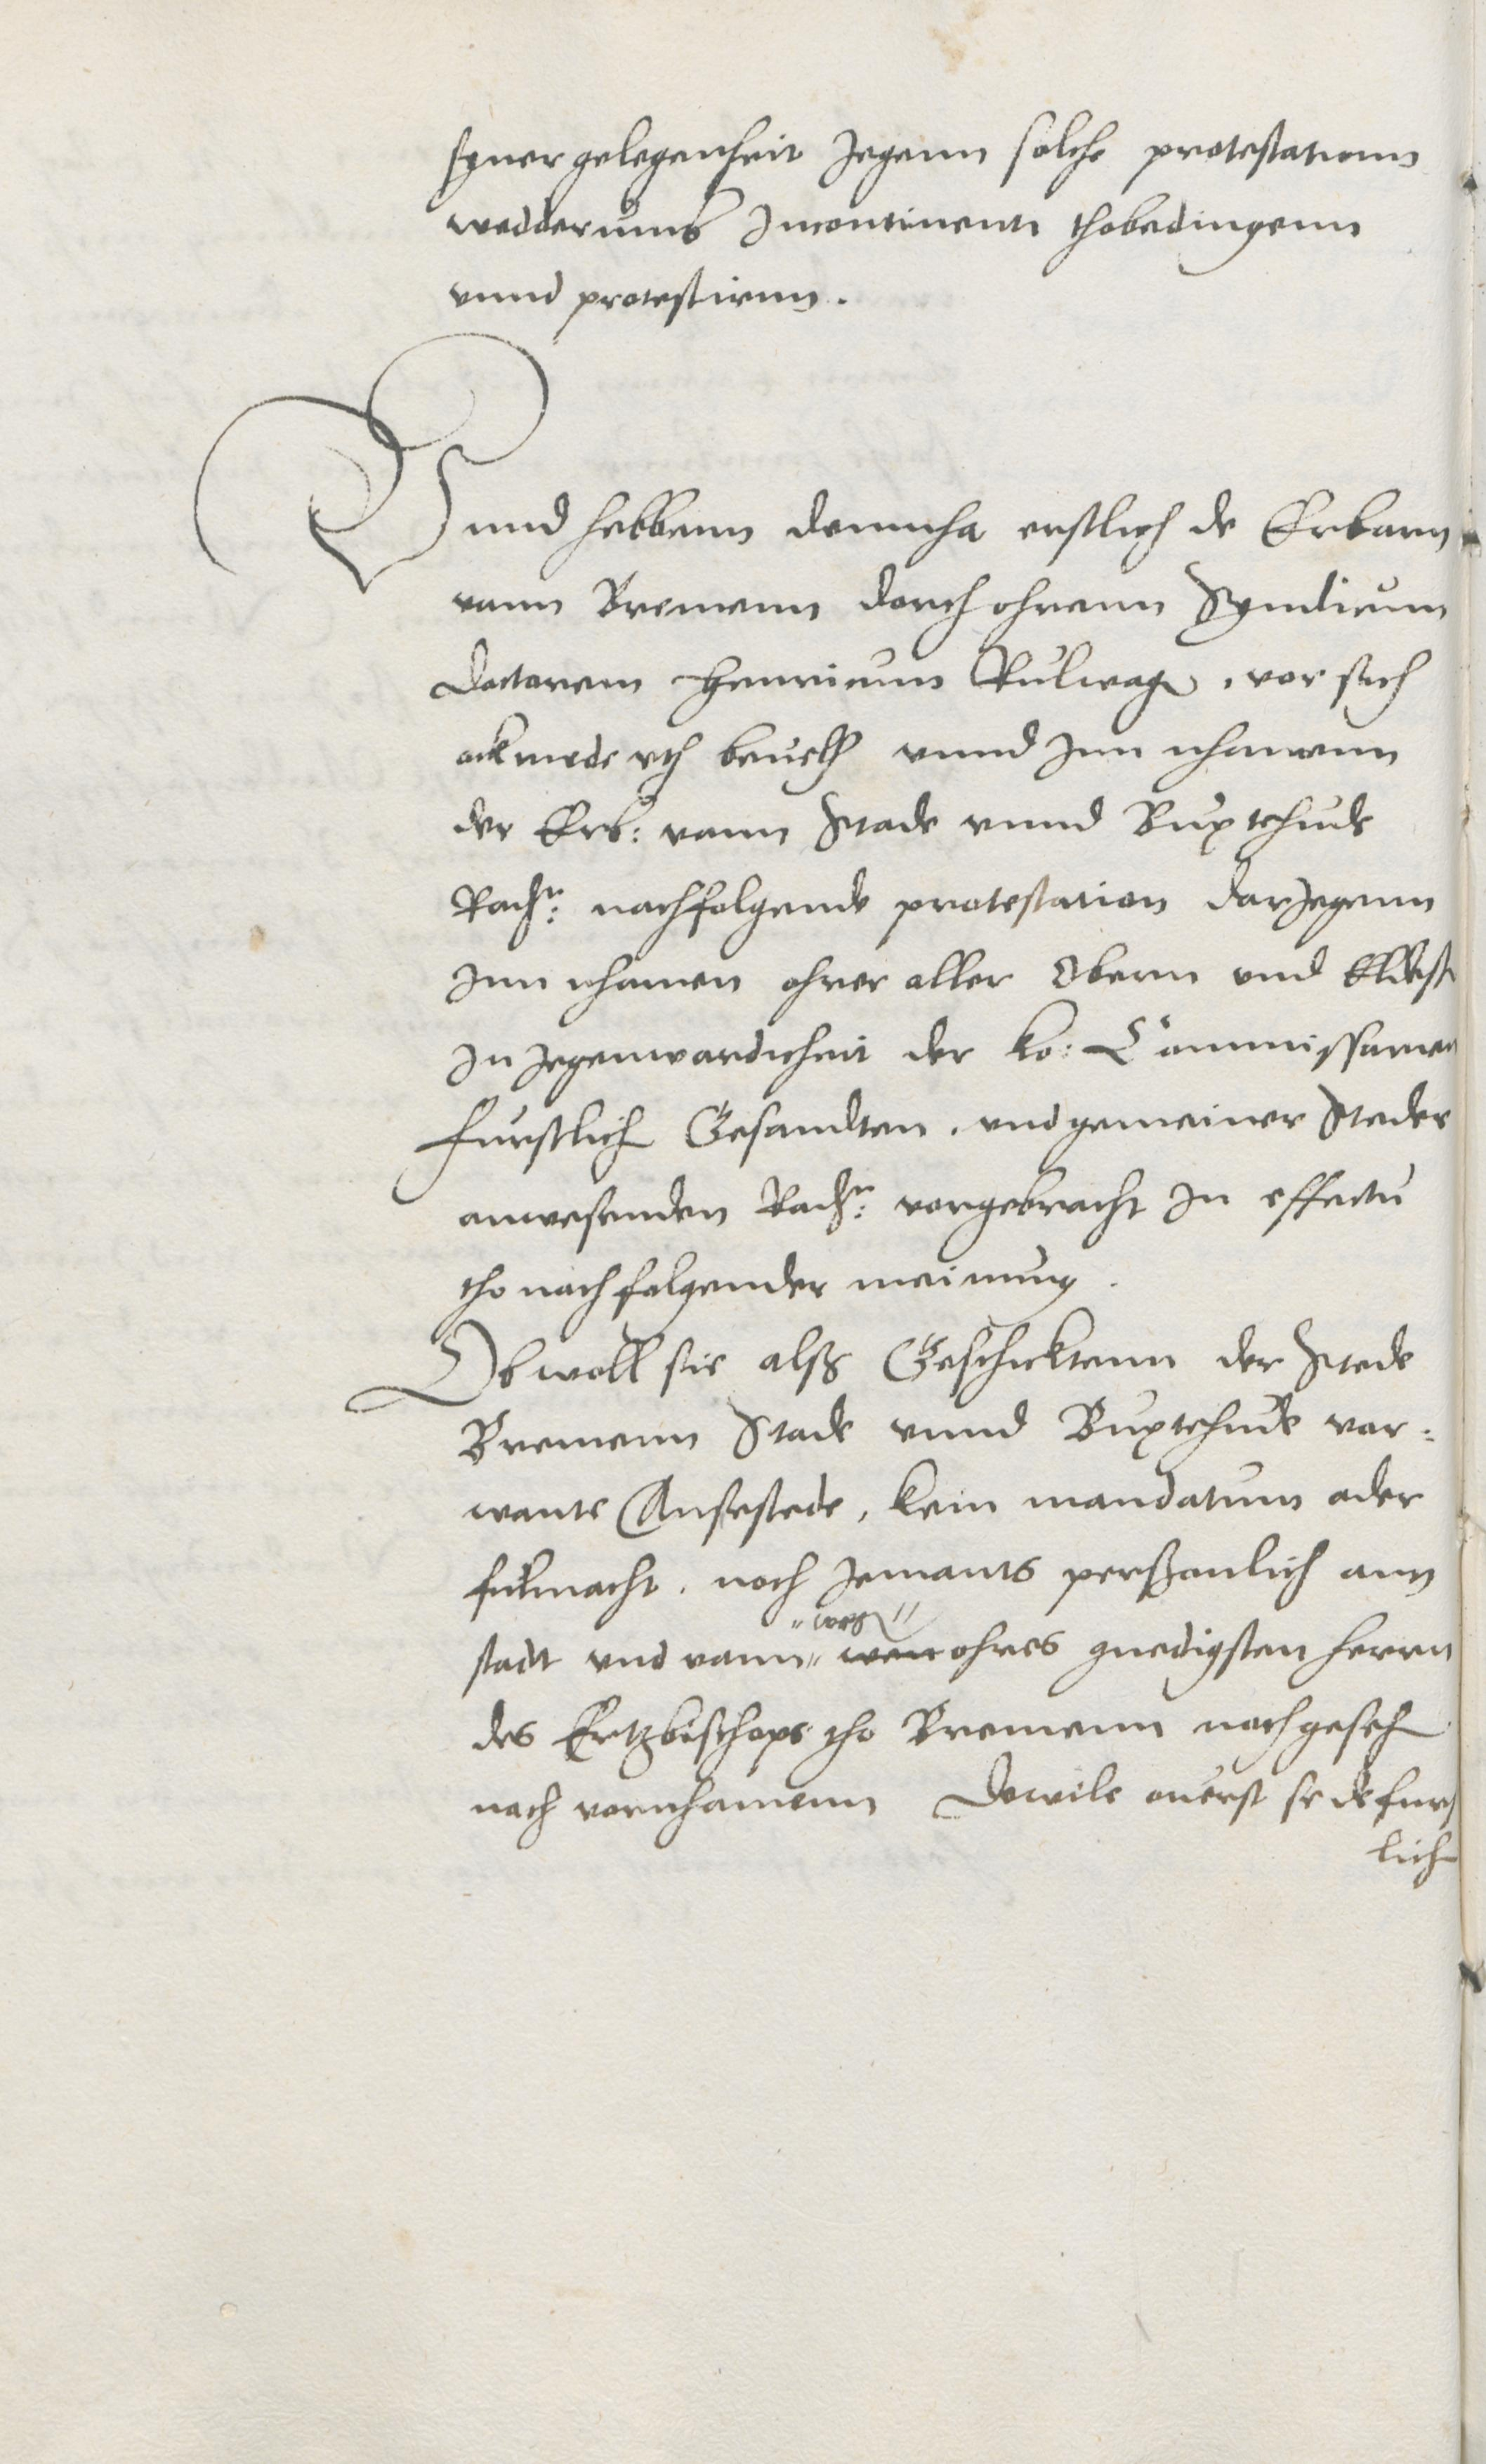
syner gelegenheit jegenn solche protestationn
wedderumb jncontinenti thobedingenn
vnnd protestirnn.
Vnnd hebbenn demnha erstlich de Erbarn
vann Bremenn dorch ohrenn Syndicum
Doctorem Henricum Rulwagen, vor sich
ock mede vth beuelh vnnd jnn nhamenn
der Erb: vann Stade vnnd Buxtehude
Radessendeboden nachfolgende protestation darjegenn
jnn nhamen ohrer aller Obern vnd Eldesten
jn jegenwardicheit der ko: Commissarien
Furstlichen Gesandten, vnd gemeiner Steder
anwesenden Radessendeboden vorgebracht jn effectu
tho nachfolgender meinung.
Obwoll sie alß Geschicktenn der Stede
Bremenn Stade vnnd Buxtehude vor¬
wante Ansestede, kein mandatum ader
fulmacht noch jemants perßonlich ann
" wegen
stadt vnd vann " wen ohres gnedigsten herrn
des Ertzbischops tho Bremenn noch gesehen
nach vornhamenn Dewile ouerst se de furst¬
lichen
